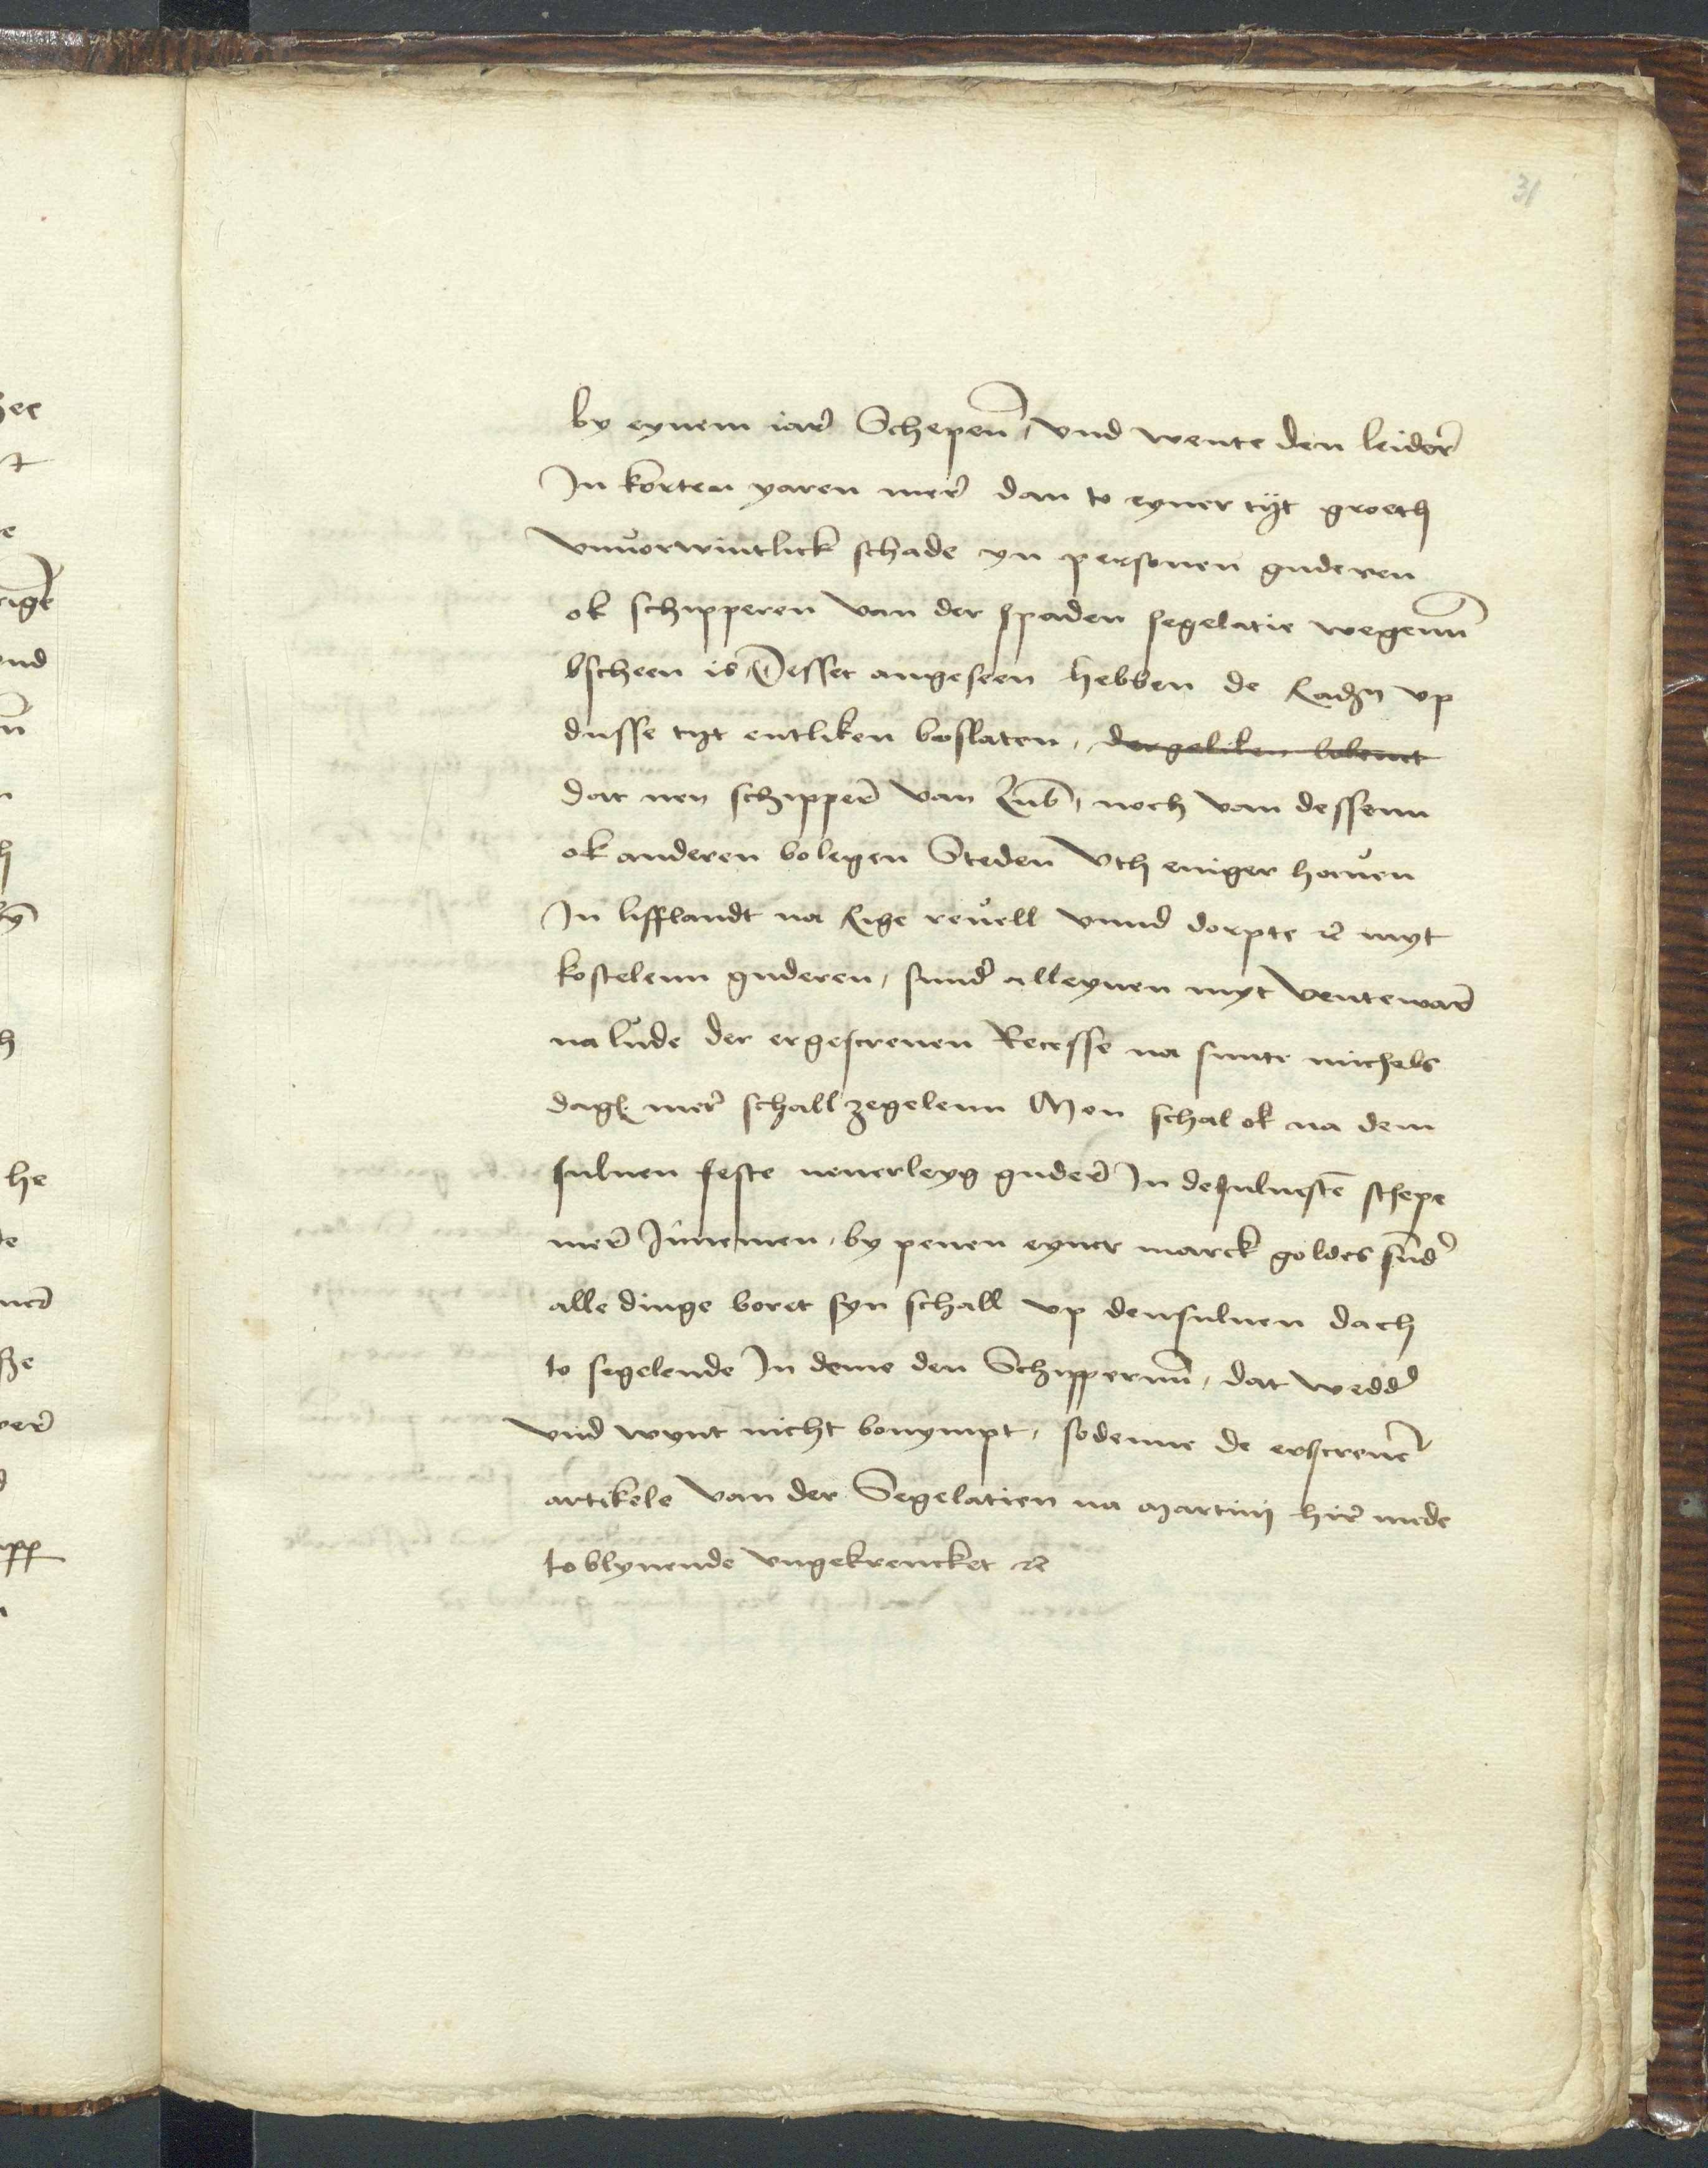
by eynem iar Schepen, vnd wente den leider
Jn korten yaren mere dan to eyner tijt groeth
vnuorwintlick schade yn personen guderen
ok schipperen van der spoden segelatie wegenn
bscheen is Desser angeseen hebben de Radessendebaden vp
dusse tyt entliken boslaten, dergeliken boleret
dat men schipper van Lubeck, noch van dessen
ok anderen bolegen Steden vth eniger hauen
Jn lifflandt na Rige reuell vnnd dorpte etc myt
kostelenn guderen, sunder alleynen myt ventewar
na lude der ergescreuen Recesse na sunte michals
dagen mer schall zegelen Men schal ok na dem
sulven feste nenerleyg guder Jn densuluesten schepe
mer Jnnemen, by penen eyner marck goldes sunder
alle dinge boret syn schall vp densuluen dach
to segelnde Jn deme den Schippernn, dat wedder
vnd wynt nicht bonympt, sodenne de erscreuen
artikele van der Segelatien na martinij hir mede
toblyuende vngekrencket etc
